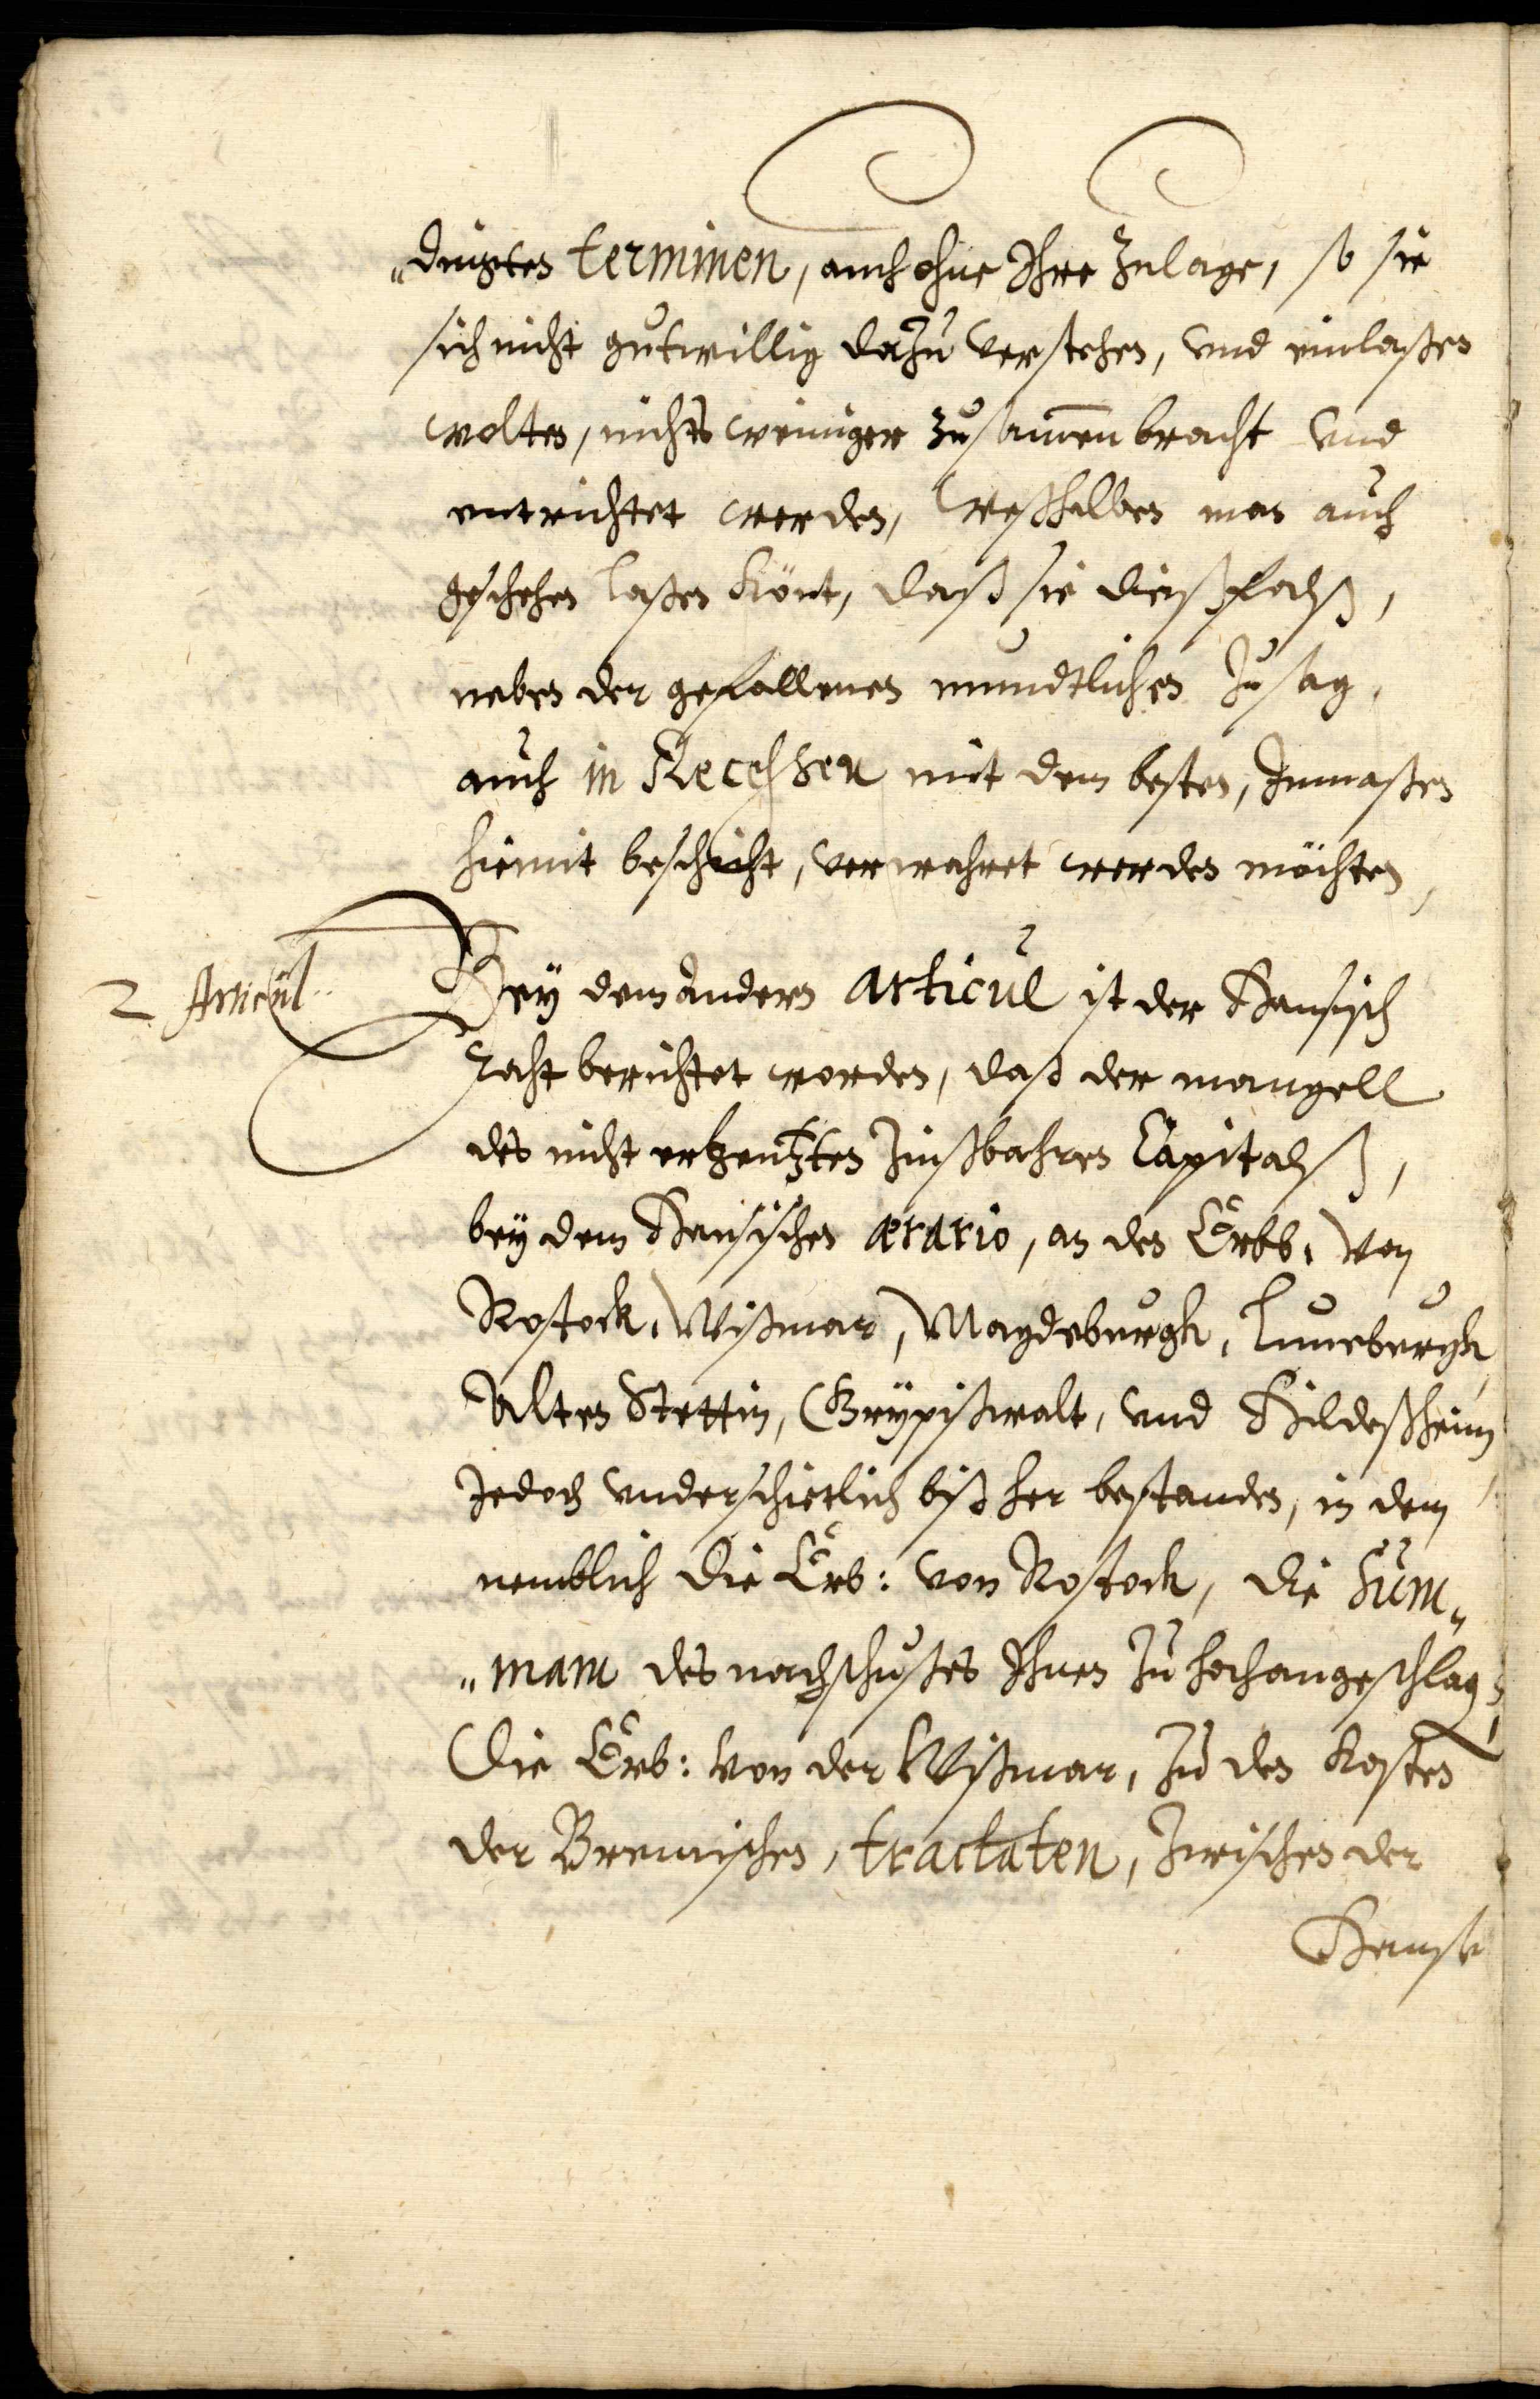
2 Articul..
dingten terminen, auch ohne Ihre Zulage, so sie
sich nicht gutwillig dazu verstehen, vnd einlaßen
wolten, nichts weiniger zusammen bracht vnd
entrichtet werden, weshalben man auch
geschehen laßen könt, daß sie dießfalß,
neben der gefallenen mundtlichen Zusag,
auch in Recessen mit dem besten, Inmaßen
hiemit beschicht, verwahret werden möchten,
Beij dem Andern articul ist der Hansisch
raht berichtet worden, daß der mangell
des nicht ergentzten Zinsbahren Capitalß,
beij dem Hansischen ærario, an den Erbb: von
Rostock, Wißmar, Magdeburgk, Luneburgk,
Alten Stettin, Grijpiswalt, vnd Hildeßheim
jedoch vnderschietlich biß her bestanden, in dem
nemblich die Erb: von Rostock, die Sum¬
mam des nachschußes Ihnen zu hochangeschlagen,
Die Erb: von der Wißmar, zu den kosten
der Bremischen, tractaten, zwischen der
Hanse
